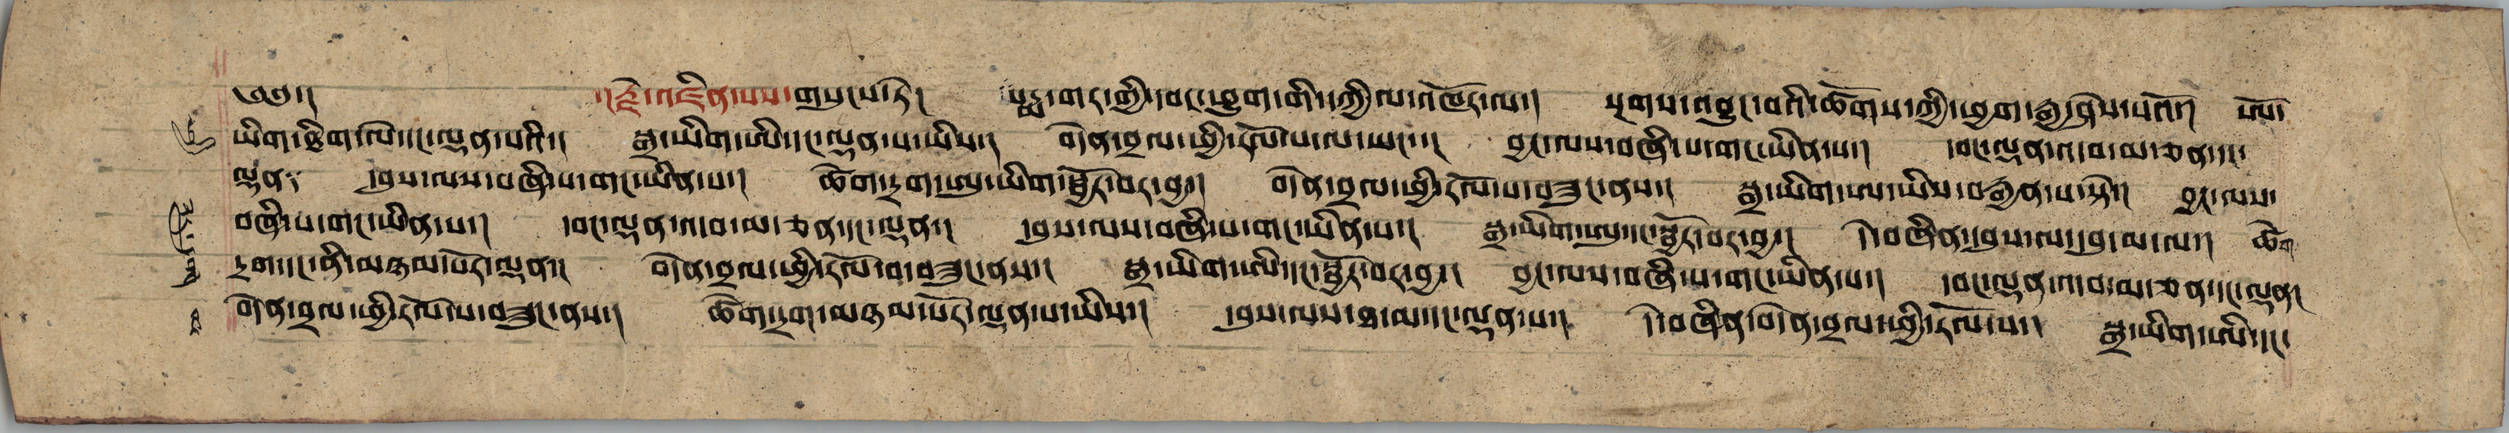༄༅་། ་།རྗེ་འཛིན་པས་གསུངས་ཏེ་། པདྨ་གར་གྱི་དབང་ཕྱུག་གི་འཀྱིལ་འཁོར་ལ་། སྔགས་འབྱུང་བའི་ཚོགས་ཀྱི་ཕྱག་རྒྱ་ཤེས་པའོ་། ཨོ་
ཡིག་ཐིག་ལེ་དང་ལྡན་པའི་། སྒྲ་ཡིག་ཨི་དང་ལྡན་པ་ཡིས་། བདེན་བྲལ་ཕྱི་རོལ་པ་ལ་ཡང་་། བྱང་ལས་བཞི་པ་གང་ཡིན་པ་། དབང་ལྡན་འདབ་མ་ཅན་དང་
ལྡན༑ དབུས་ལས་བཞི་པ་གང་ཡིན་པ་། ཚེག་དྲག་ཨུ་ཡིག་སྦྱོར་བར་བྱ་། བདེན་བྲལ་ཕྱི་རོལ་པ་བཟུང་ནས་། སྒྲ་ཡིག་ཨ་ཡིས་བརྒྱན་པ་སྟེ་། བྱང་ལས་
བཞི་པ་གང་ཡིན་པ་། དབང་ལྡན་འདབ་མ་ཅན་དང་ལྡན་། དབུས་ལས་བཞི་པ་གང་ཡིན་པ་། སྒྲ་ཡིག་ཨུ་དང་སྦྱོར་བར་བྱ་། དེ་བཞིན་དབུས་ལ་དབུ་མ་ལ་། ཚེག་
དྲག་དང་ནི་མཉམ་པོར་ལྡན་། བདེན་བྲལ་ཕྱི་རོལ་བ་བཟུང་ནས་། སྒྲ་ཡིག་ཨི་དང་སྦྱོར་བར་བྱ་། བྱང་ལས་བཞི་པ་གང་ཡིན་པ་། དབང་ལྡན་འདབ་མ་ཅན་དང་ལྡན།
བདེན་བྲལ་ཕྱི་རོལ་པ་བཟུང་ནས་། ཚེག་དྲག་མཉམ་པོར་ལྡན་པ་ཡིས་། དབུས་ལས་ཐ་མ་དང་ལྡན་པ་། དེ་བཞིན་བདེན་བྲལ་ཕྱི་རོལ་པ་། སྒྲ་ཡིག་ཨི་དང་